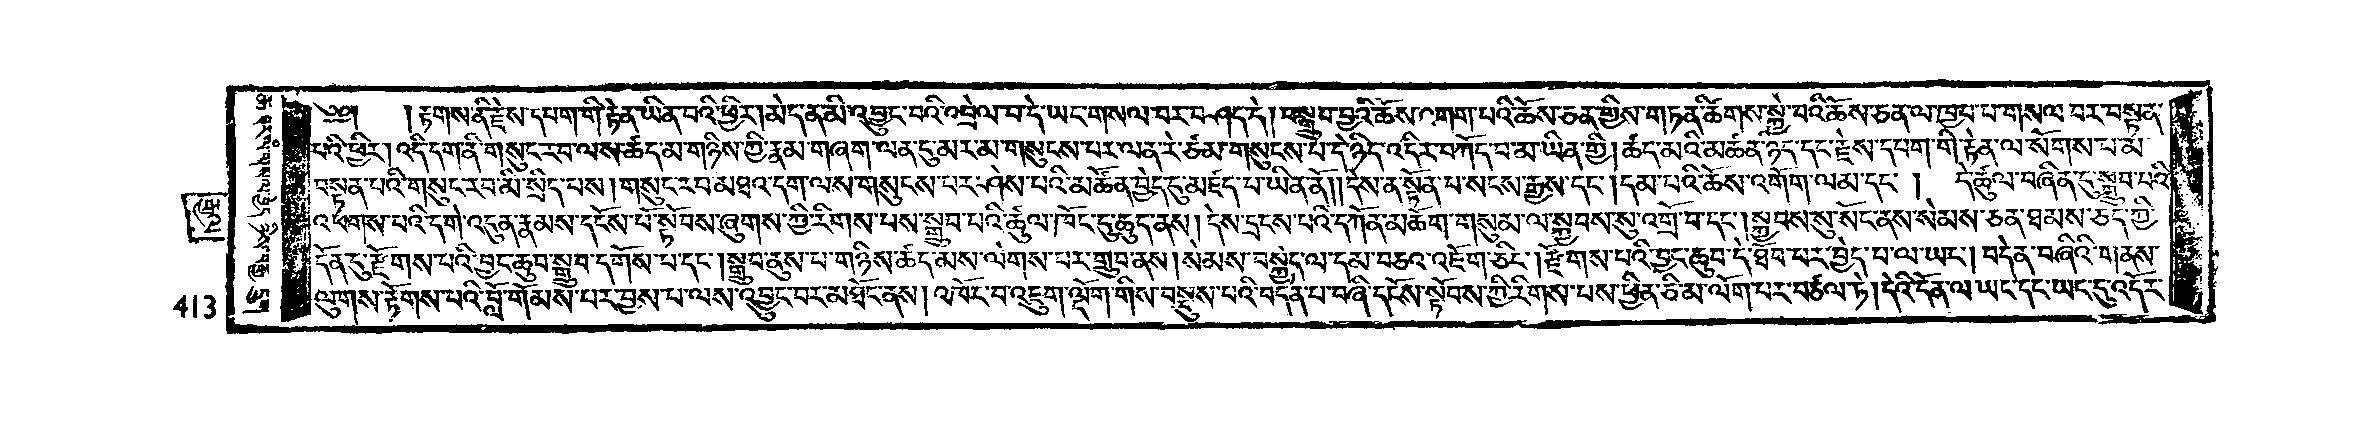༄༅། །རྟགས་ནི་རྗེས་དཔག་གི་རྟེན་ཡིན་པའི་ཕྱིར། མེད་ན་མི་འབྱུང་བའི་འབྲེལ་བ་དེ་ཡང་གསལ་བར་བཤད་དེ། བསྒྲུབ་བྱའི་ཆོས་འགག་པའི་ཆོས་ཅན་གྱིས་གཏན་ཚིགས་སྐྱེ་བའི་ཆོས་ཅན་ལ་ཁྱབ་པ་གསལ་བར་བསྟན་
པའི་ཕྱིར། འདི་དག་ནི་གསུང་རབ་ལས་ཚད་མ་གཉིས་ཀྱི་རྣམ་གཞག་ལན་དུ་མར་མ་གསུངས་པར་ལན་རེ་ཙམ་གསུངས་པ་དེ་ཉིད་འདིར་བཀོད་པ་མ་ཡིན་གྱི། ཚད་མའི་མཚན་ཉིད་དང་རྗེས་དཔག་གི་རྟེན་ལ་སོགས་པ་མ་
བསྟན་པའི་གསུང་རབ་མི་སྲིད་པས། གསུང་རབ་མཐའ་དག་ལས་གསུངས་པར་ཤེས་པའི་མཚོན་བྱེད་དུ་མཛད་པ་ཡིན་ནོ། །དེས་ན་སྟོན་པ་སངས་རྒྱས་དང་། དམ་པའི་ཆོས་འགོག་ལམ་དང་། དེ་ཚུལ་བཞིན་དུ་སྒྲུབ་པའི་
འཕགས་པའི་དགེ་འདུན་རྣམས་དངོས་པོ་སྟོབས་ཞུགས་ཀྱི་རིགས་པས་སྒྲུབ་པའི་ཚུལ་ཁོང་དུ་ཆུད་ནས། དེས་དྲངས་པའི་དཀོན་མཆོག་གསུམ་ལ་སྐྱབས་སུ་འགྲོ་བ་དང་། སྐྱབས་སུ་སོང་ནས་སེམས་ཅན་ཐམས་ཅད་ཀྱི་
དོན་དུ་རྫོགས་པའི་བྱང་ཆུབ་སྒྲུབ་དགོས་པ་དང་། སྒྲུབ་ནུས་པ་གཉིས་ཚད་མས་ལེགས་པར་གྲུབ་ནས། སེམས་བསྐྱེད་ལ་དམ་བཅའ་འཇོག་ཅིང་། རྫོགས་པའི་བྱང་ཆུབ་དེ་ཐོབ་པར་བྱེད་པ་ལ་ཡང་། བདེན་བཞིའི་གནས་
ལུགས་རྟོགས་པའི་བློ་གོམས་པར་བྱས་པ་ལས་འབྱུང་བར་མཐོང་ནས། འཁོར་བ་འཇུག་ལྡོག་གིས་བསྡུས་པའི་བདེན་པ་བཞི་དངོས་སྟོབས་ཀྱི་རིགས་པས་ཕྱིན་ཅི་མ་ལོག་པར་བཙལ་ཏེ། དེའི་དོན་ལ་ཡང་དང་ཡང་དུ་འདོར་